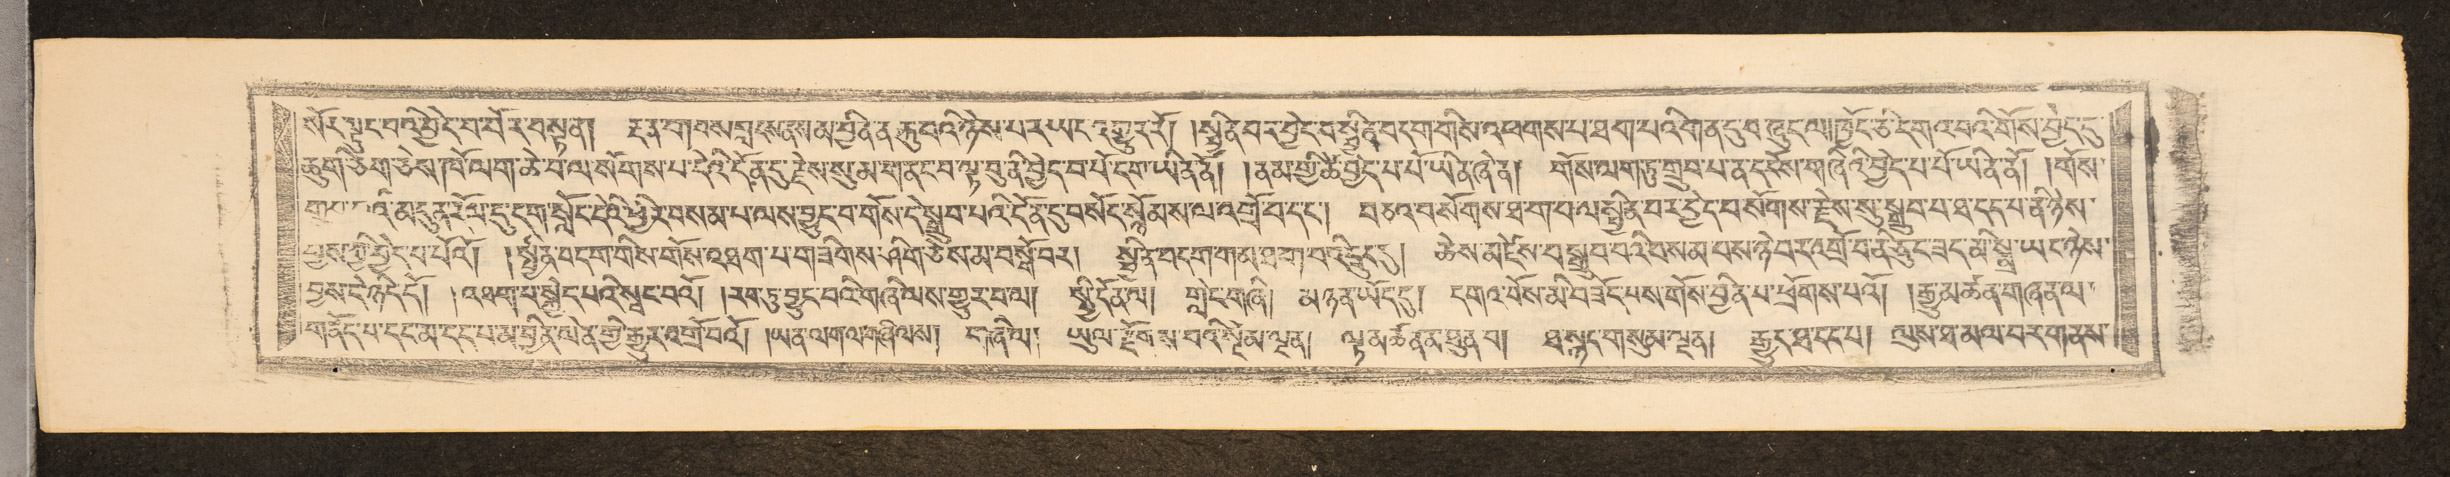སོར་ལྟུང་བའི་བྱེད་པ་པོར་བསྟན། རྔན་པ་ཁས་བླངས་ནས་མ་བྱིན་ན་རྐུ་བའི་ཉེས་པར་ཡང་འགྱུར་རོ། །སྦྱིན་པར་བྱེད་པ་སྦྱིན་བདག་གིས་འཕགས་པ་ཐ་ག་པའི་གན་དུ་བ་ཞུང་ལ་ཁྱོད་ཅི་དགའ་བའི་གོས་བྱེད་དུ་
ཆུག་ཅིག་ཅེས་ཁོ་ལག་ཆེ་བ་ལ་སོགས་པ་དེའི་དོན་དུ་རྗེས་སུ་མ་གནང་བ་ལྟ་བུ་ནི་བྱེད་པ་པོ་དག་ཡིན་ནོ། །ནམ་གྱི་ཚེ་བྱེད་པ་པོ་ཡིན་ཞེ་ན། གོས་ལག་ཏུ་གྲུབ་པ་ན་དངོས་གཞིའི་བྱེད་པ་པོ་ཡིན་ནོ། །གོས་
གྲུབ་པའི་མདུན་རོལ་དུ་དགེ་སློང་དེའི་ཕྱིར་བསམ་པ་ལས་བྱུང་བ་གོས་དེ་སྒྲུབ་པའི་དོན་དུ་བསོད་སྙོམས་ལ་འགྲོ་བ་དང་། བཅའ་བ་སོགས་ཐ་ག་པ་ལ་སྦྱིན་པར་བྱེད་པ་སོགས་རྗེས་སུ་སྒྲུབ་པ་ཐ་དད་པ་ནི་ཉེས་
བྱས་ཀྱི་བྱེད་པ་པོའོ། །སྦྱིན་བདག་གིས་གོས་འཐག་པ་གཟིགས་ཤིག་ཅེས་མ་བསྒོ་བར། སྦྱིན་བདག་གམ་ཐ་ག་པའི་དྲུང་དུ། ཆེས་མཛེས་པ་སྒྲུབ་པའི་བསམ་པས་ཉེ་བར་འགྲོ་བ་ནི་ཅུང་ཟད་མི་སྨྲ་ཡང་ཉེས་
བྱས་དེ་ཉིད་དོ། །འཐག་པ་སྐྱེད་པའི་སྤང་བའོ། །རབ་ཏུ་བྱུང་བའི་གཞི་ལས་གྱུར་བ་ལ། སྤྱི་དོན་ལ། གླེང་གཞི། མཉན་ཡོད་དུ། དགའ་བོས་མི་བཟོད་པས་གོས་བྱིན་པ་ཕྲོགས་པའོ། །རྒྱུ་མཚན་གཞན་ལ་
གདོད་པ་དང་མ་དད་པ་མ་བྱིན་ལེན་གྱི་རྒྱུར་འགྲོ་བའོ། །ཡན་ལག་ལ་བཞི་ལས། གཞི་ལ། ཡུལ་རྫོགས་པའི་སྔོམ་ལྡན། ལྟ་མཚན་མཐུན་པ། ཐ་སྙད་གསུམ་ལྡན། རྒྱུད་ཐ་དད་པ། ལུས་ཐ་མལ་བར་གནས་